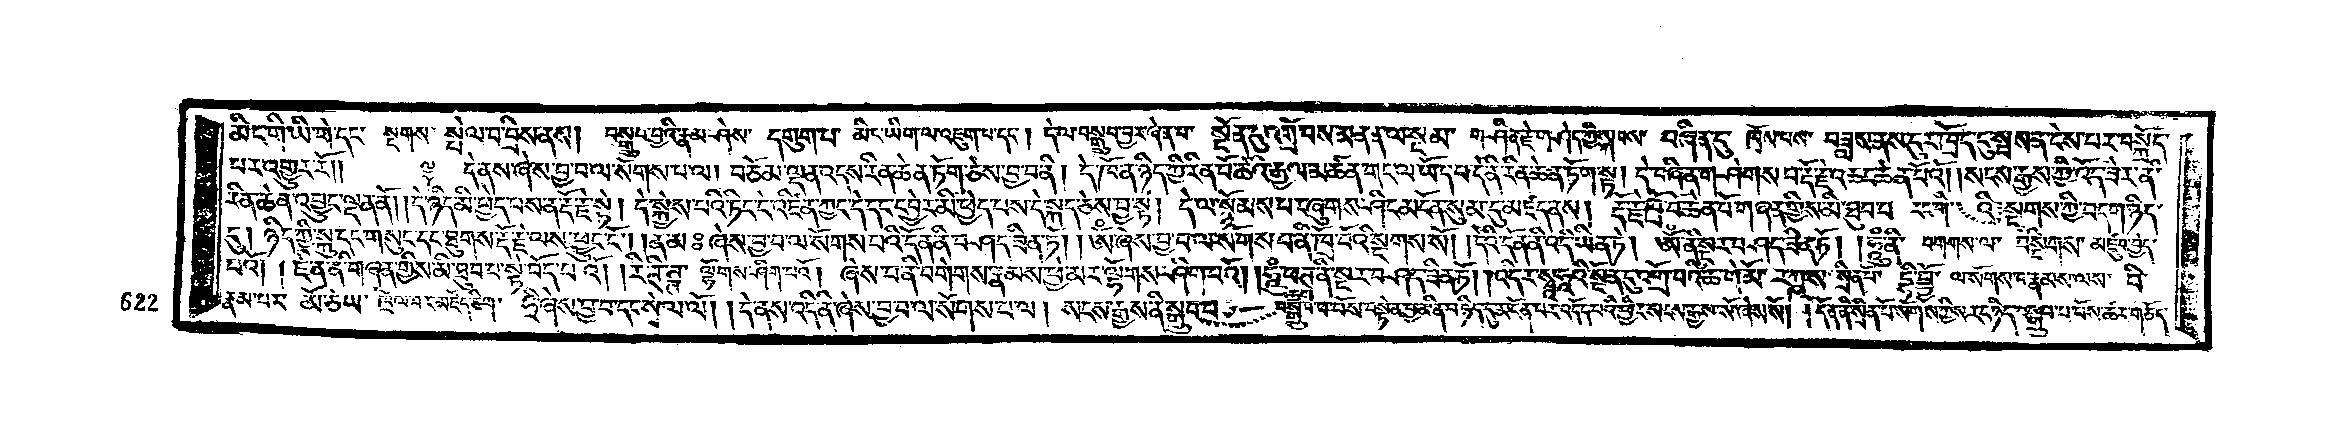མིང་གི་ཡི་གེ་དང་སྔགས་སྤེལ་བ་བྲིས་ནས། བསྒྲུབ་བྱའི་རྣམ་ཤེས་དགུག་པ་མིང་ཡིག་ལ་འཇུག་པ་དང་། དེ་ལ་བསྒྲུབ་བྱར་ཞེན་པ་སྔོན་དུ་འགྲོ་བས་མནན་ལ་སྔ་མ་གཤིན་རྗེ་གཤེད་ཀྱི་སྐབས་བཞིན་དུ་ཁྲོས་པས་བཟླས་ནས་ངུར་ཁྲོད་དུ་སྦས་ན་ངེས་པར་བསྐྲོད་
པར་འགྱུར་རོ།། ༈ དེ་ནས་ཞེས་བྱ་བ་ལ་སོགས་པ་ལ། བཅོམ་ལྡན་འདས་རིན་ཆེན་ཏོག་ཅེས་བྱ་བ་ནི། དེ་ཁོ་ན་ཉིད་ཀྱི་རིན་པོ་ཆེའི་རྒྱལ་མཚན་གང་ལ་ཡོད་པ་དེ་ནི་རིན་ཆེན་ཏོག་སྟེ། དེ་བཞིན་གཤེགས་པ་རྡོ་རྗེ་འཆང་ཆེན་པོའོ། །སངས་རྒྱས་ཀྱི་འོད་ཟེར་ནི་
རིན་ཆེན་འབྱུང་ལྡན་ནོ། །དེ་ཉིད་མི་ཕྱེད་པས་ན་རྡོ་རྗེ་སྟེ། དེ་སྐྱེས་པའི་ཏིང་ངེ་འཛིན་ཀྱང་དེ་དང་དབྱེར་མི་ཕྱེད་པས་དེ་སྐད་ཅེས་བྱ་སྟེ། དེ་ལ་སྙོམས་པར་ཞུགས་ཤིང་མངོན་སུམ་དུ་མཛད་ནས། རྡོ་རྗེ་ཁྲོ་བོ་ཆེན་པོ་གཞན་གྱིས་མི་ཐུབ་པ་རང་གིའི་སྔགས་ཀྱི་བདག་ཉིད་
དུ། ཉིད་ཀྱི་སྐུ་དང་གསུང་དང་ཐུགས་རྡོ་རྗེ་ལས་ཕྱུང་ངོ། །ན་མཿ ཞེས་བྱ་བ་ལ་སོགས་པའི་དོན་ནི་བཤད་ཟིན་ཏོ། །ཨོཾ་ཞེས་བྱ་བ་ལ་སོགས་པ་ནི་ཁྲོ་བོའི་སྔགས་སོ། །དེའི་དོན་ནི་འདི་ཡིན་ཏེ། ཨོཾ་ནི་སྔར་བཤད་ཟིན་ཏོ། །ཧཱུཾ་ནི་བགེགས་ལ་བསྡིགས་མཛུབ་བྱེད་
པའོ། །ཛ་ན་ནི་གཞན་གྱིས་མི་ཐུབ་པ་སྟེ་བདེ་པའོ། །རི་ཊི་ཊྚ་ལྷོགས་ཤིག་པའོ།  ཞེས་པ་ནི་བགེགས་རྣམས་ཕྱེ་མར་ལྷོགས་ཤིག་པའོ། །ཧཱུཾ་ཕཊ་ནི་སྔར་བཤད་ཟིན་ཏོ། །འདིར་སྭཱ་ཧཱའི་སྔོན་དུ་འགྲོ་བའི་ཆེ་གེ་མོ་རཀྵ་ས་སྲིན་པོ་དྷི་བྷྱོ་ལ་སོགས་པ་རྣམས་ལས་བི་
རྣམ་པར་མོ་ཙ་ཡ་ཁྲོལ་བར་མཛོད་ཅིག་ཧྲི་ཞེས་བྱ་བ་དང་སྤེལ་ལོ། །དེ་ནས་འདི་ནི་ཞེས་བྱ་བ་ལ་སོགས་པ་ལ། སངས་རྒྱས་ནི་སྒྲུབ་པཿ་ཆག་བསྒྲུབ་པ་པོས་བསྟེན་བྱ་མིན་པ་ཉིད་དུ་མངོན་པར་འདོད་པའི་ཕྱིར་སངས་རྒྱས་སོ་ཞེས་སོ། །དོན་ནི་སྲིན་པོ་སོགས་ཀྱིས་རང་ཉིད་བསྒྲུབ་པ་པོས་ཚར་གཅོད